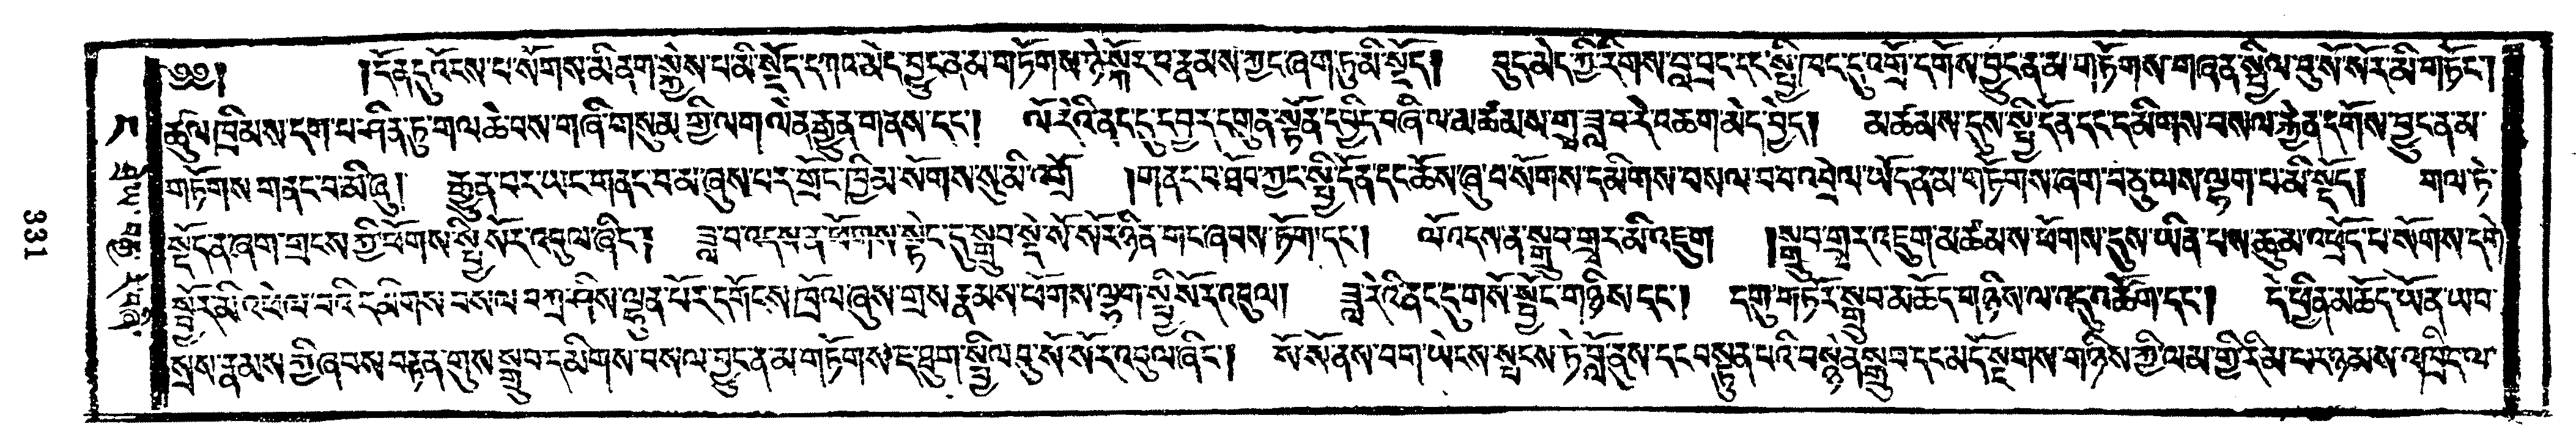༄༅། །དོན་དུ་འོངས་པ་སོགས་མི་ནག་སྐྱེས་པ་མི་སྡོད་དཀའ་མེད་བྱུང་ནམ་གཏོགས་ཉེ་སྐོར་བ་རྣམས་ཀྱང་ཞག་ཏུ་མི་སྡོད། བུད་མེད་ཀྱི་རིགས་བླ་བྲང་དང་སྤྱི་ཁང་དུ་འགྲོ་དགོས་བྱུང་ན་མ་གཏོགས་གཞན་སྤྱིལ་བུ་སོ་སོར་མི་གཏོང་།
ཚུལ་ཁྲིམས་དག་པ་ཤིན་ཏུ་གལ་ཆེ་བས་གཞི་གསུམ་གྱི་ལག་ལེན་རྒྱུན་གནས་དང་། ལོ་རེའི་ནང་དུ་དབྱར་དགུན་སྟོན་དཔྱིད་བཞི་ལ་མཚམས་གྲྭ་ཟླ་བ་རེ་འཆག་མེད་བྱེད། མཚམས་དུས་སྤྱི་དོན་དང་དམིགས་བསལ་རྐྱེན་དགོས་བྱུང་ན་མ་
གཏོགས་གནང་བ་མི་ཞུ། རྒྱུན་བར་ཡང་གནང་བ་མ་ཞུས་པར་གྲོང་ཁྱིམ་སོགས་སུ་མི་འགྲོ་།གནང་བ་ཐོབ་ཀྱང་སྤྱི་དོན་དང་ཆོས་ཞུ་བ་ལ་སོགས་དམིགས་བསལ་བབ་འབྲེལ་ཡོད་ནམ་ཨ་གཏོགས་ཞག་བཅུ་ལས་ལྷག་པ་མི་སྡོད། གལ་ཏེ་
སྡོད་ན་ཞག་གྲངས་ཀྱི་ཕྱོགས་སྤྱི་སོར་འབུལ་ཞིང་། ཟླ་བ་འདས་ན་ཕོགས་སྟེང་དུ་སྒྲུབ་སྡེ་སོ་སོར་ཉིན་གང་ཞབས་ཏོག་དང་། ལོ་འདས་ན་སྒྲུབ་གྲྭར་མི་འཇུག །སྒྲུབ་གྲྭར་འཇུག་མཚམས་ཕོགས་དུས་ཡིན་པས་ཆུ་མ་འཕྲོད་པ་སོགས་དགེ་
སྦྱོར་མི་འཕེལ་བའི་དམིགས་བསལ་བཀྲ་ཤིས་ལྷུན་པོར་དགོངས་ཁྲོལ་ཞུས་གྲགས་རྣམས་ཕོགས་ལྷག་སྤྱི་སོར་འབུལ། ཟླ་རེའི་ནང་དུ་གསོ་སྦྱོངས་གཉིས་དང་། དགུ་གཏོར་སྒྲུབ་མཆོད་གཉིས་ལ་འདུ་འཚོག་དང་། དེ་ཕྱིན་མཆོད་ཡོན་ཡབ་
སྲས་རྣམས་ཀྱི་ཞབས་བརྟན་གུས་སྒྲུབ་དམིགས་བསལ་བྱུང་ནས་གཏོགས་ཇ་ཐུག་སྤྱིལ་བུ་སོ་སོར་འབུལ་ཞིང་། སོ་སོ་ནས་བག་ཡེངས་སྤངས་ཏེ་བློ་ནུས་དང་བསྟུན་པའི་བསྙེན་སྒྲུབ་དང་མདོ་སྔགས་གཉིས་ཀྱི་ལམ་གྱི་ལམ་གྱི་རིམ་པར་ཉམས་འཁྲིད་ལ་